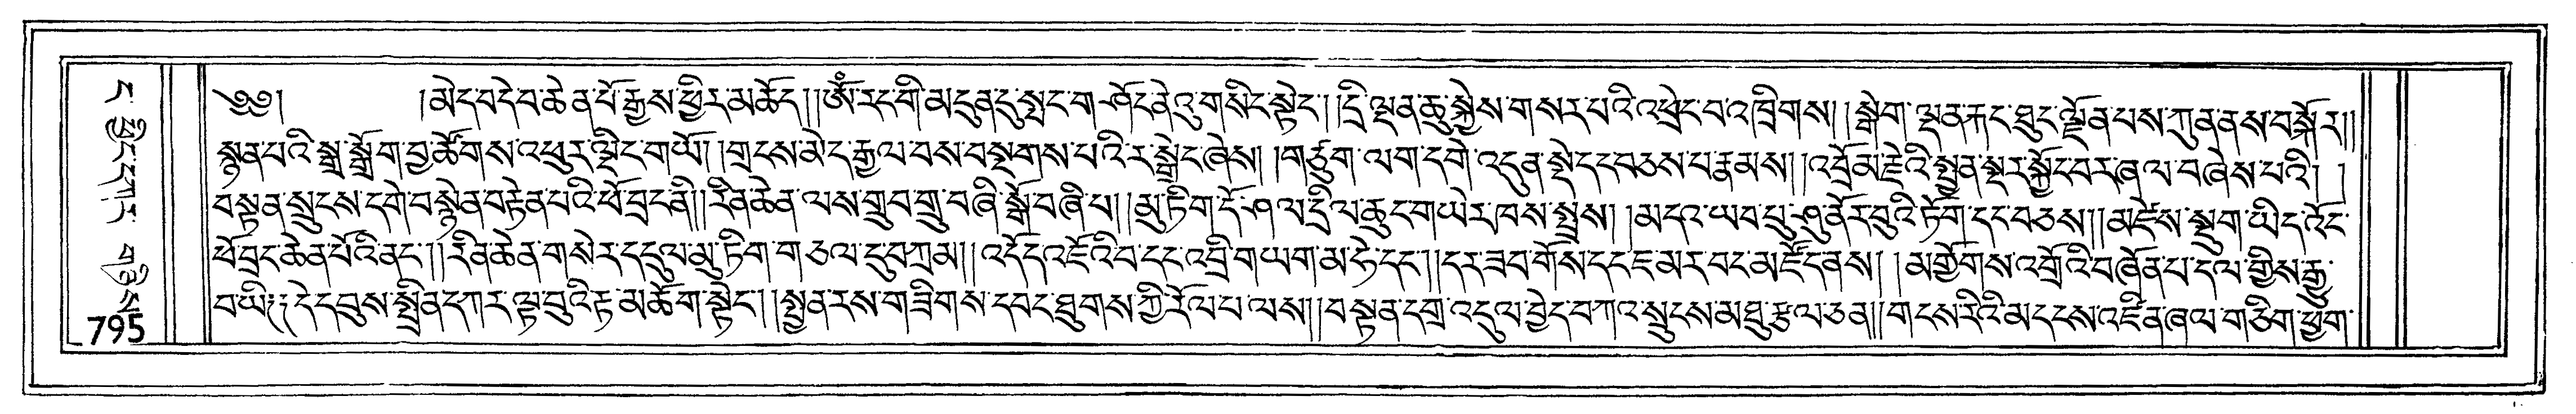༄༅། །མེད་བདེ་བ་ཆེན་པོ་རྒྱས་ཕྱིར་མཆོད། །ཨོཾ་རང་གི་མདུན་དུ་སྤང་གཤོང་ནེའུ་གསིང་སྟེང་། །དྲི་ལྡན་ཆུ་སྐྱེས་གསར་པའི་འཕྲེང་བ་འཁྲིགས། །སྒེག་ལྡན་རྐང་ཐུང་ལྗོན་པས་ཀུན་ནས་བསྐོར། །
སྙན་པའི་སྒྲ་སྒྲོག་བྱ་ཚོགས་འཕུར་ལྡིང་གཡོ། །གྲངས་མེད་རྒྱལ་བས་བསྔགས་པའི་ར་སྒྲེང་ཞེས། །གཙུག་ལག་དགེ་འདུན་སྡེ་དང་བཅས་པ་རྣམས། །འབྲོམ་རྗེའི་སྤྱན་སྔར་སྐྱོང་བར་ཞལ་བཞེས་པའི། །
བསྟན་སྲུངས་དགེ་བསྙེན་བརྟེན་པའི་ཕོ་བྲང་ནི། །རིན་ཆེན་ལས་གྲུབ་གྲུ་བཞི་སྒོ་བཞི་པ། །མུ་ཏིག་དོ་ཤལ་དྲིལ་ཆུང་གཡེར་ཁས་སྤྲས། །མདའ་ཡབ་པུ་ཤུ་ནོར་བུའི་ཏོག་དང་བཅས། །མཛེས་སྡུག་ཡིད་འོང་
ཕོ་བྲང་ཆེན་པོའི་ནང་། །རིན་ཆེན་གསེར་དངུལ་མུ་ཏིག་གཅལ་དུ་བཀྲམ། །འདོད་འཇོའི་བ་དང་འབྲི་གཡག་མ་ཧེ་དང་། །དར་ཟབ་གོས་དང་ཇ་མར་བང་མཛོད་ནས། །མགྱོགས་འགྲོའི་བཞོན་པ་དལ་གྱིས་རྒྱུ་
བ་ཡི༑ ༑དེ་དབུས་སྤྲིན་དཀར་ལྟ་བུའི་རྟ་མཆོག་སྟེང་། །སྤྱན་རས་གཟིགས་དབང་ཐུགས་ཀྱི་རོལ་པ་ལས། །བསྟན་དགྲ་འདུལ་བྱེད་བཀའ་སྲུངས་མཐུ་རྩལ་ཅན། །གངས་རིའི་མདངས་འཛིན་ཞལ་གཅིག་ཕྱག་